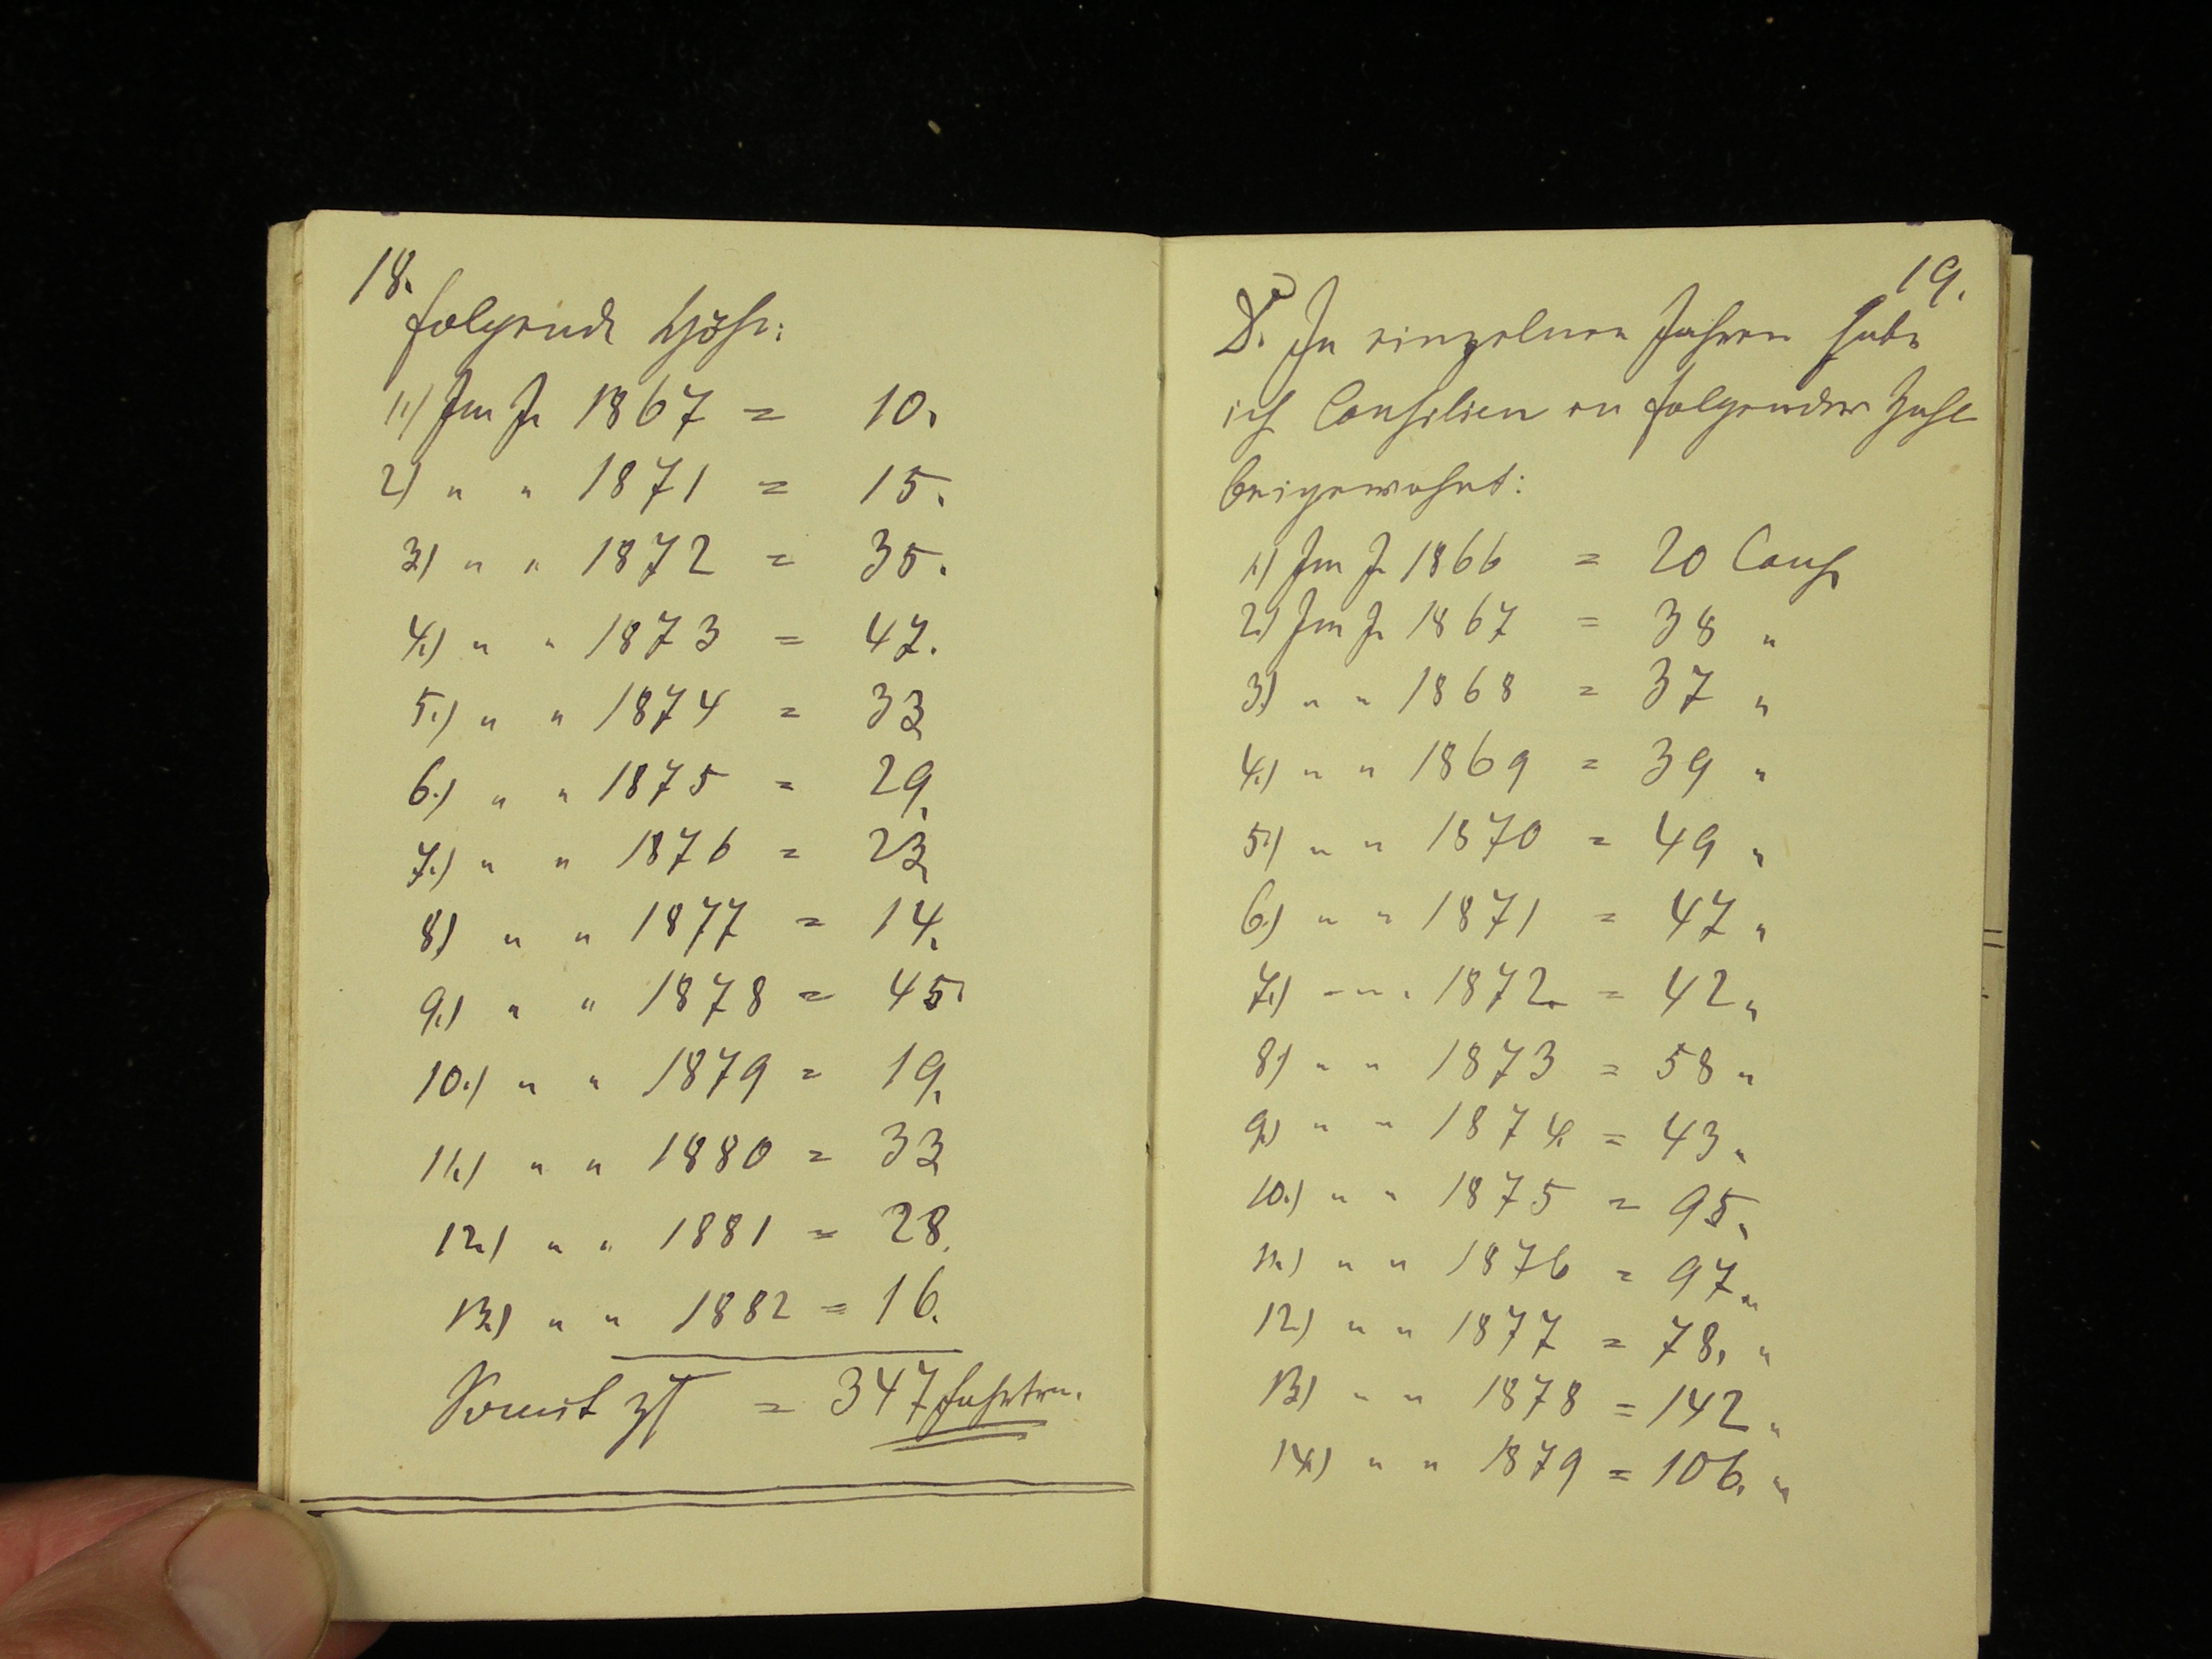18
folgender Höhe
1) Im Jahr 1867 = 10
2) * 1871 = 15
3) * 1872 = 35
4) * 1873 = 47
5) * 1874 = 33
6) * 1875 = 29
7) * 1876 = 23
8) * 1877 = 14
9) * 1878 = 45
10) * 1879 = 19
11) * 1880 = 33
12) * 1881 = 28
13) * 1882 = 16
Somit zusammen = 347 Fahrten
19
D.) In einzelnen Jahren habe
ich Consilien in folgender Zahl
beigewohnt:
1) Im Jahr 1866 = 20 Consilien
2) * 1867 = 38 *
3) * 1868 = 37 *
4) * 1869 = 29 *
5) * 1870 = 49
6) * 1871 = 47
7) * 1872 = 42
8) * 1873 = 58
9) * 1874 = 43
10) * 1875 = 95
11) * 1876 = 97
12) * 1877 = 78
13) * 1878 = 142
14) * 1879 = 106